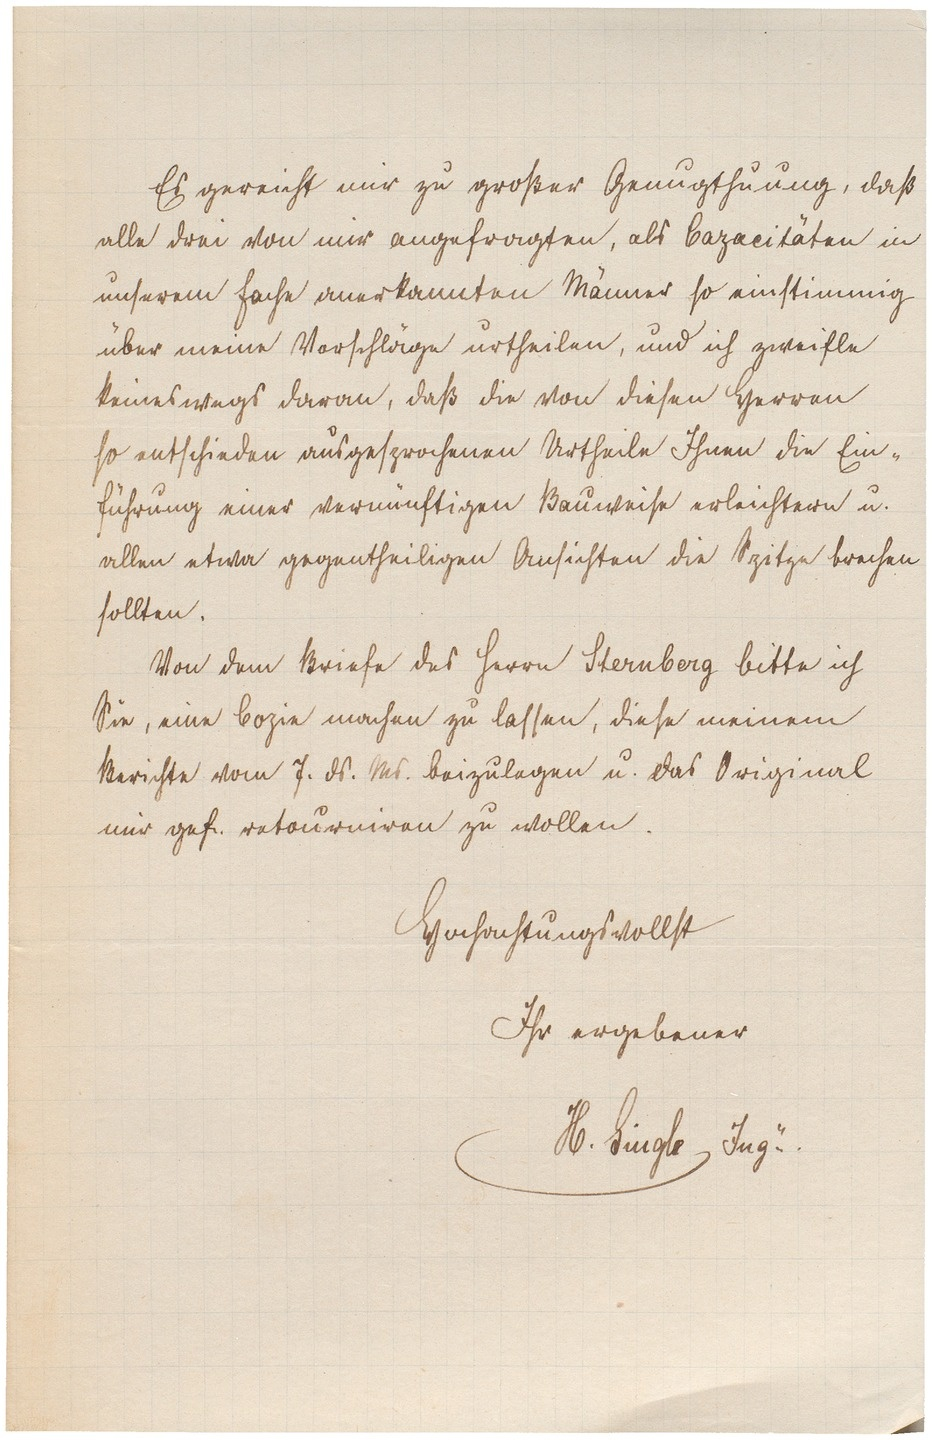Es gereicht mir zu großer Genugthuung, daß
alle drei von mir angefragten, als Capacitäten in
unserem Fache anerkannten Männer so einstimmig
über meine Vorschläge urtheilen, und ich zweifle
keineswegs daran, daß die von diesen Herren
so entschieden ausgesprochenen Urtheile Ihnen die Ein-
führung einer vernünftigen Bauweise erleichtern u.
allen etwa gegentheiligen Ansichten die Spitze brechen
sollten.
Von dem Briefe des Herrn Sternberg bitte ich
Sie, eine Copie machen zu lassen, diese meinem
Berichte vom 7. ds. Ms. beizulegen u. das Original
mir gef. retourniren zu wollen.
Hochachtungsvollst
Ihr ergebener
H. Single Ingr